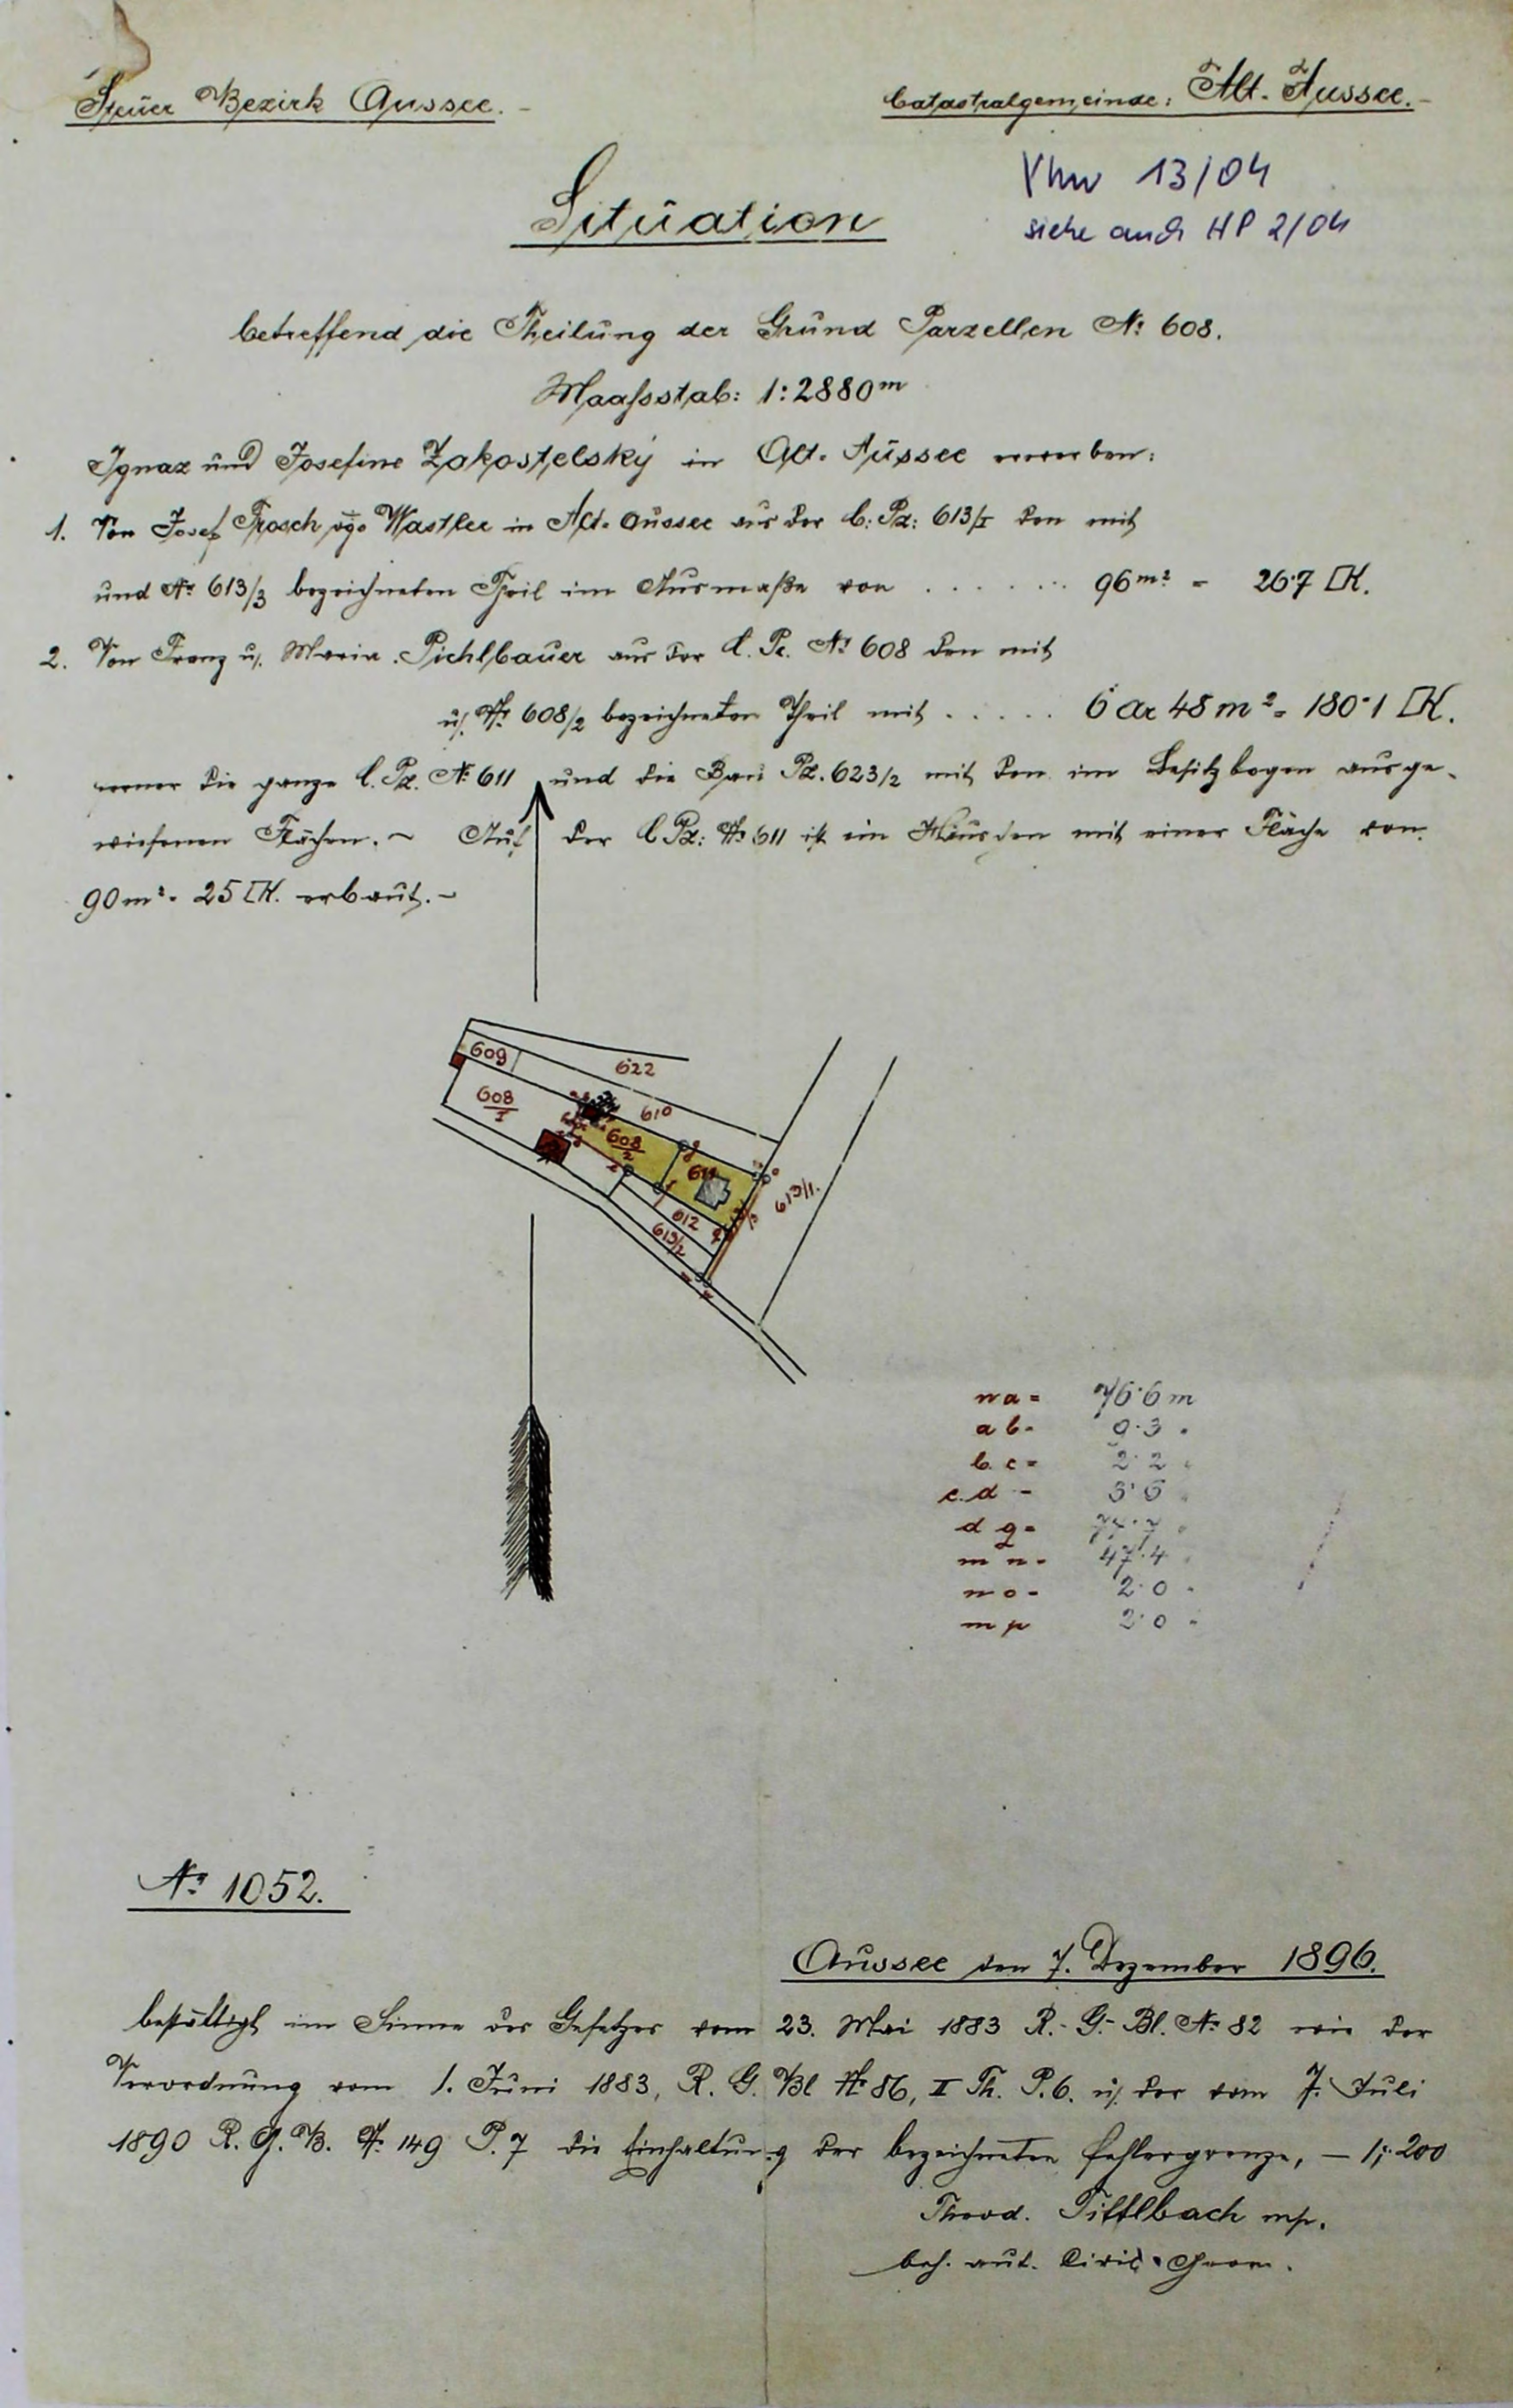Castastralgemeinde: Alt-Aussee.
Steuer Bezirk Aussee.-
Situation
Vhw 13/04
siehe auch HP 2/04
betreffend die Theilung der Grund Parzellen N: 608.
Maasstab: 1:2880 m
Ignaz und Josefine Zokostelský in Alt=Aussee vererben:
1. Von Josef Trosch ??? Wastler in Act=Aussee aus der C: Px: 613/I den mit
und Nr. 613/3 begrichrieden April im Ausmaße von ..... 96 m2 = 26.7 K.
2. Von Franz u. Maria Pichlbauer aus der C. Pz. Nr 608 den mit
u. Nr. 608/2 bezeichneten Theil mit ..... 6 ar 48 m2 = 180.1 K.
seiner die ganze C. Pz. Nr. 611und die Bau Pz. 623/2 mit den Besitzbogen ausge„
wiesenen Flächen. ~ Auf der C Pz: Nr. 611 ist im Hiuschen mit einer Fläche von.
90 m2 = 25 CK. erbaut. ~
wa = 76.6m
a b = 9.3 „
b. c = 2.2. „
c.d = 5.6 „
d q = 74.7 „
m n = 47.4 „
n o = 2.0 „
m p 2.0 „
Nr 1052.
Aussee den 7. Dezember 1896.
besttätigt im Finne ??? Gesetzes vom 23. Mai 1883 R.-G.-Bl. Nr 82 wie der
Verordnung vom 1. Juni 1883, R. G. Bl Nr 86, II Th. P. 6. ??? der vom 7. Juli
1890 R. G. B. Nr. 149 P. 7 die Einhaltung der Bezeichneten Fehlergrenze, — ?j. 200
Throd. Tittlbach mp.
beh. aut. Livi?. Germ.